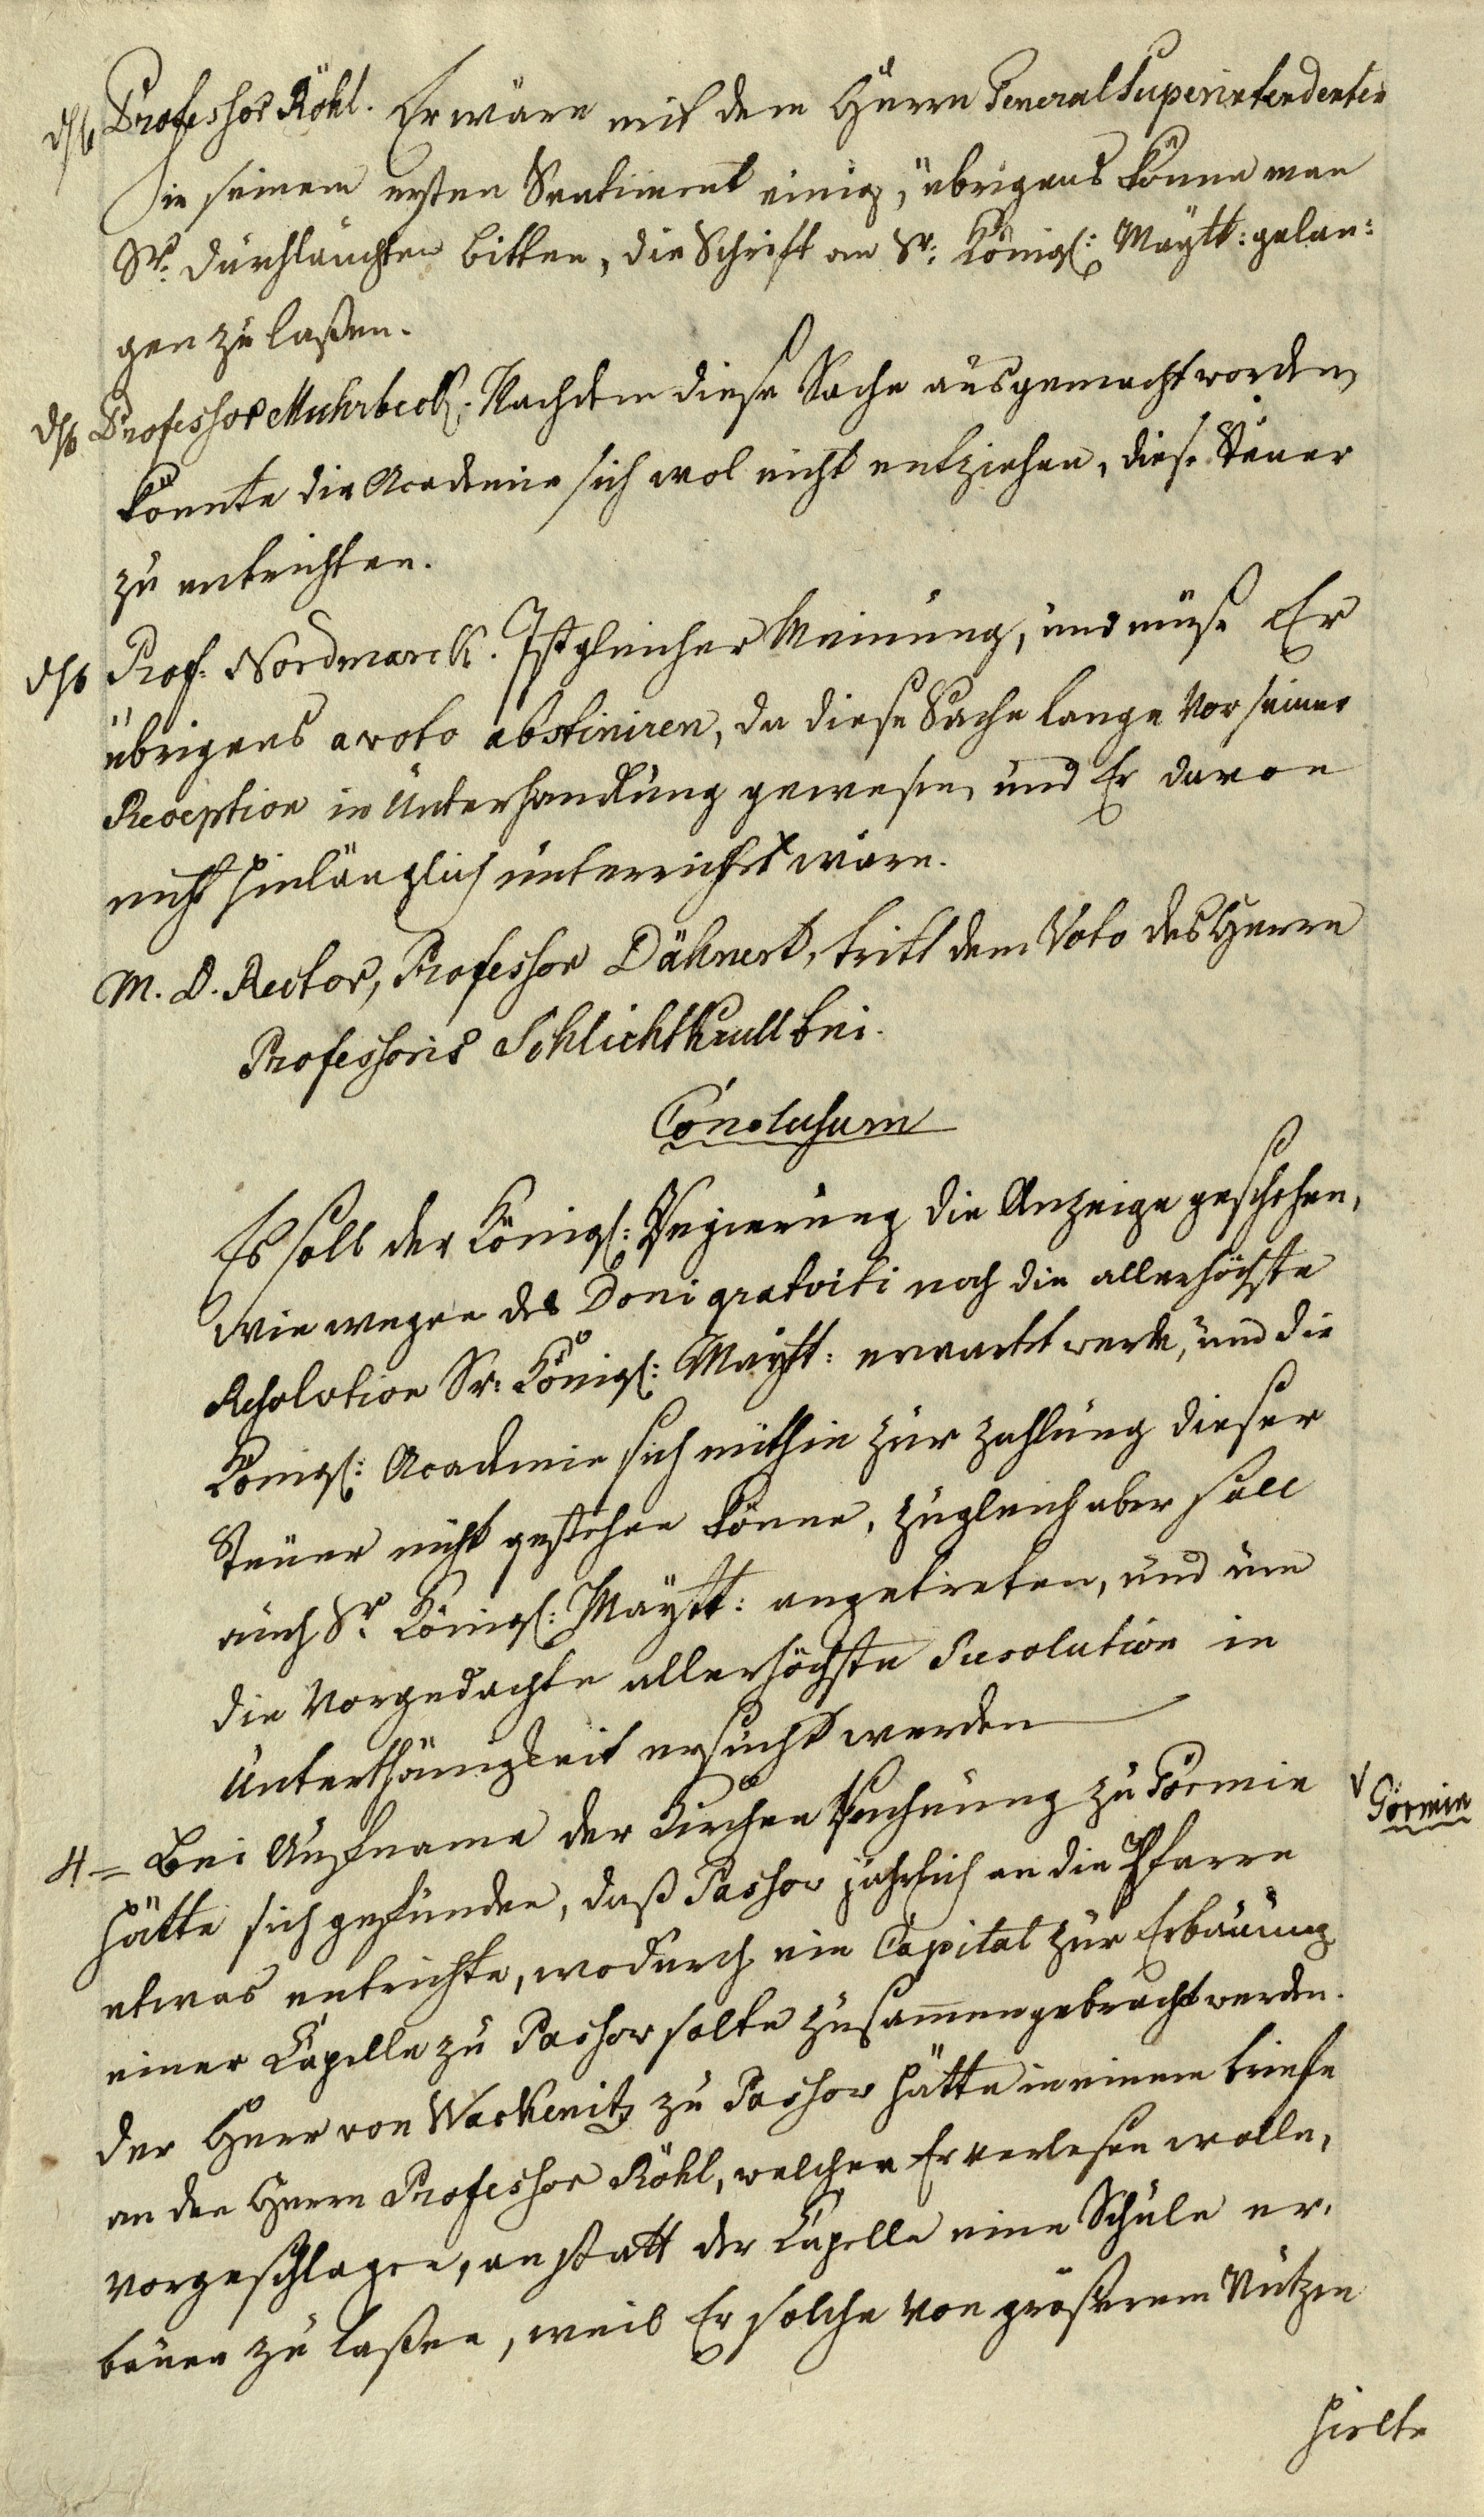dh. Professor Röhl. Er wäre mit dem Herrn GeneralSuperintendenten
in seinem ersten Sentiment einig, übrigens könne man
Sr Durchlauchten bitten, die Schrift an Sr. Königl. Maÿtt gelan¬
gen zu laßen.
dh. Prof. Muhrbeck. Nachdem diese Sache ausgemacht worden,
könnte die Academie sich wohl nicht entziehen, diese Steuer
zu entrichten.
dh. Prof. Nordmarck. Ist gleicher Meinung, und müsse Er
übrigens a voto abstiniren, da diese Sache lange vor seiner
Reception in Unterhandlung gewesen, und Er davon
nicht hinlänglich unterrichtet wäre.
M. D. Rector Dähnert tritt dem Voto des Herrn
Professoris Schlichtkrull bei.
Conclusum
Es soll der Königl. Regierung die Anzeige geschehen,
wie wegen des Doni gratuiti noch die allerhöchste
Resolution Sr Königl. Maÿtt. erwartet werde, und die
Königl. Academie sich mithin zur Zahlung dieser
Steuer nicht gestehen könne, zugleich aber soll
auch Sr Königl. Maÿtt. angetreten, und um
die vorgedachte allerhöchste Resolution in
Unterthänigkeit ersucht werden.
4. Bei Aufnahme der Kirchen Rechnung zu Görmin
hätte sich gefunden, daß Passow jährlich an die Pfarre
etwas entrichte, wodurch ein Capital zur Erbauung
einer Capelle zu Passow solte zusammen gebracht werden.
Der Herr von Wackenitz zu Passow hätte in einem Briefe
an den Herrn Professor Röhl, welchen Er verlesen wolle,
vorgeschlagen, anstatt der Capelle eine Schule er¬
bauen zu laßen, weil Er solche von größerem Nutzen
hielte